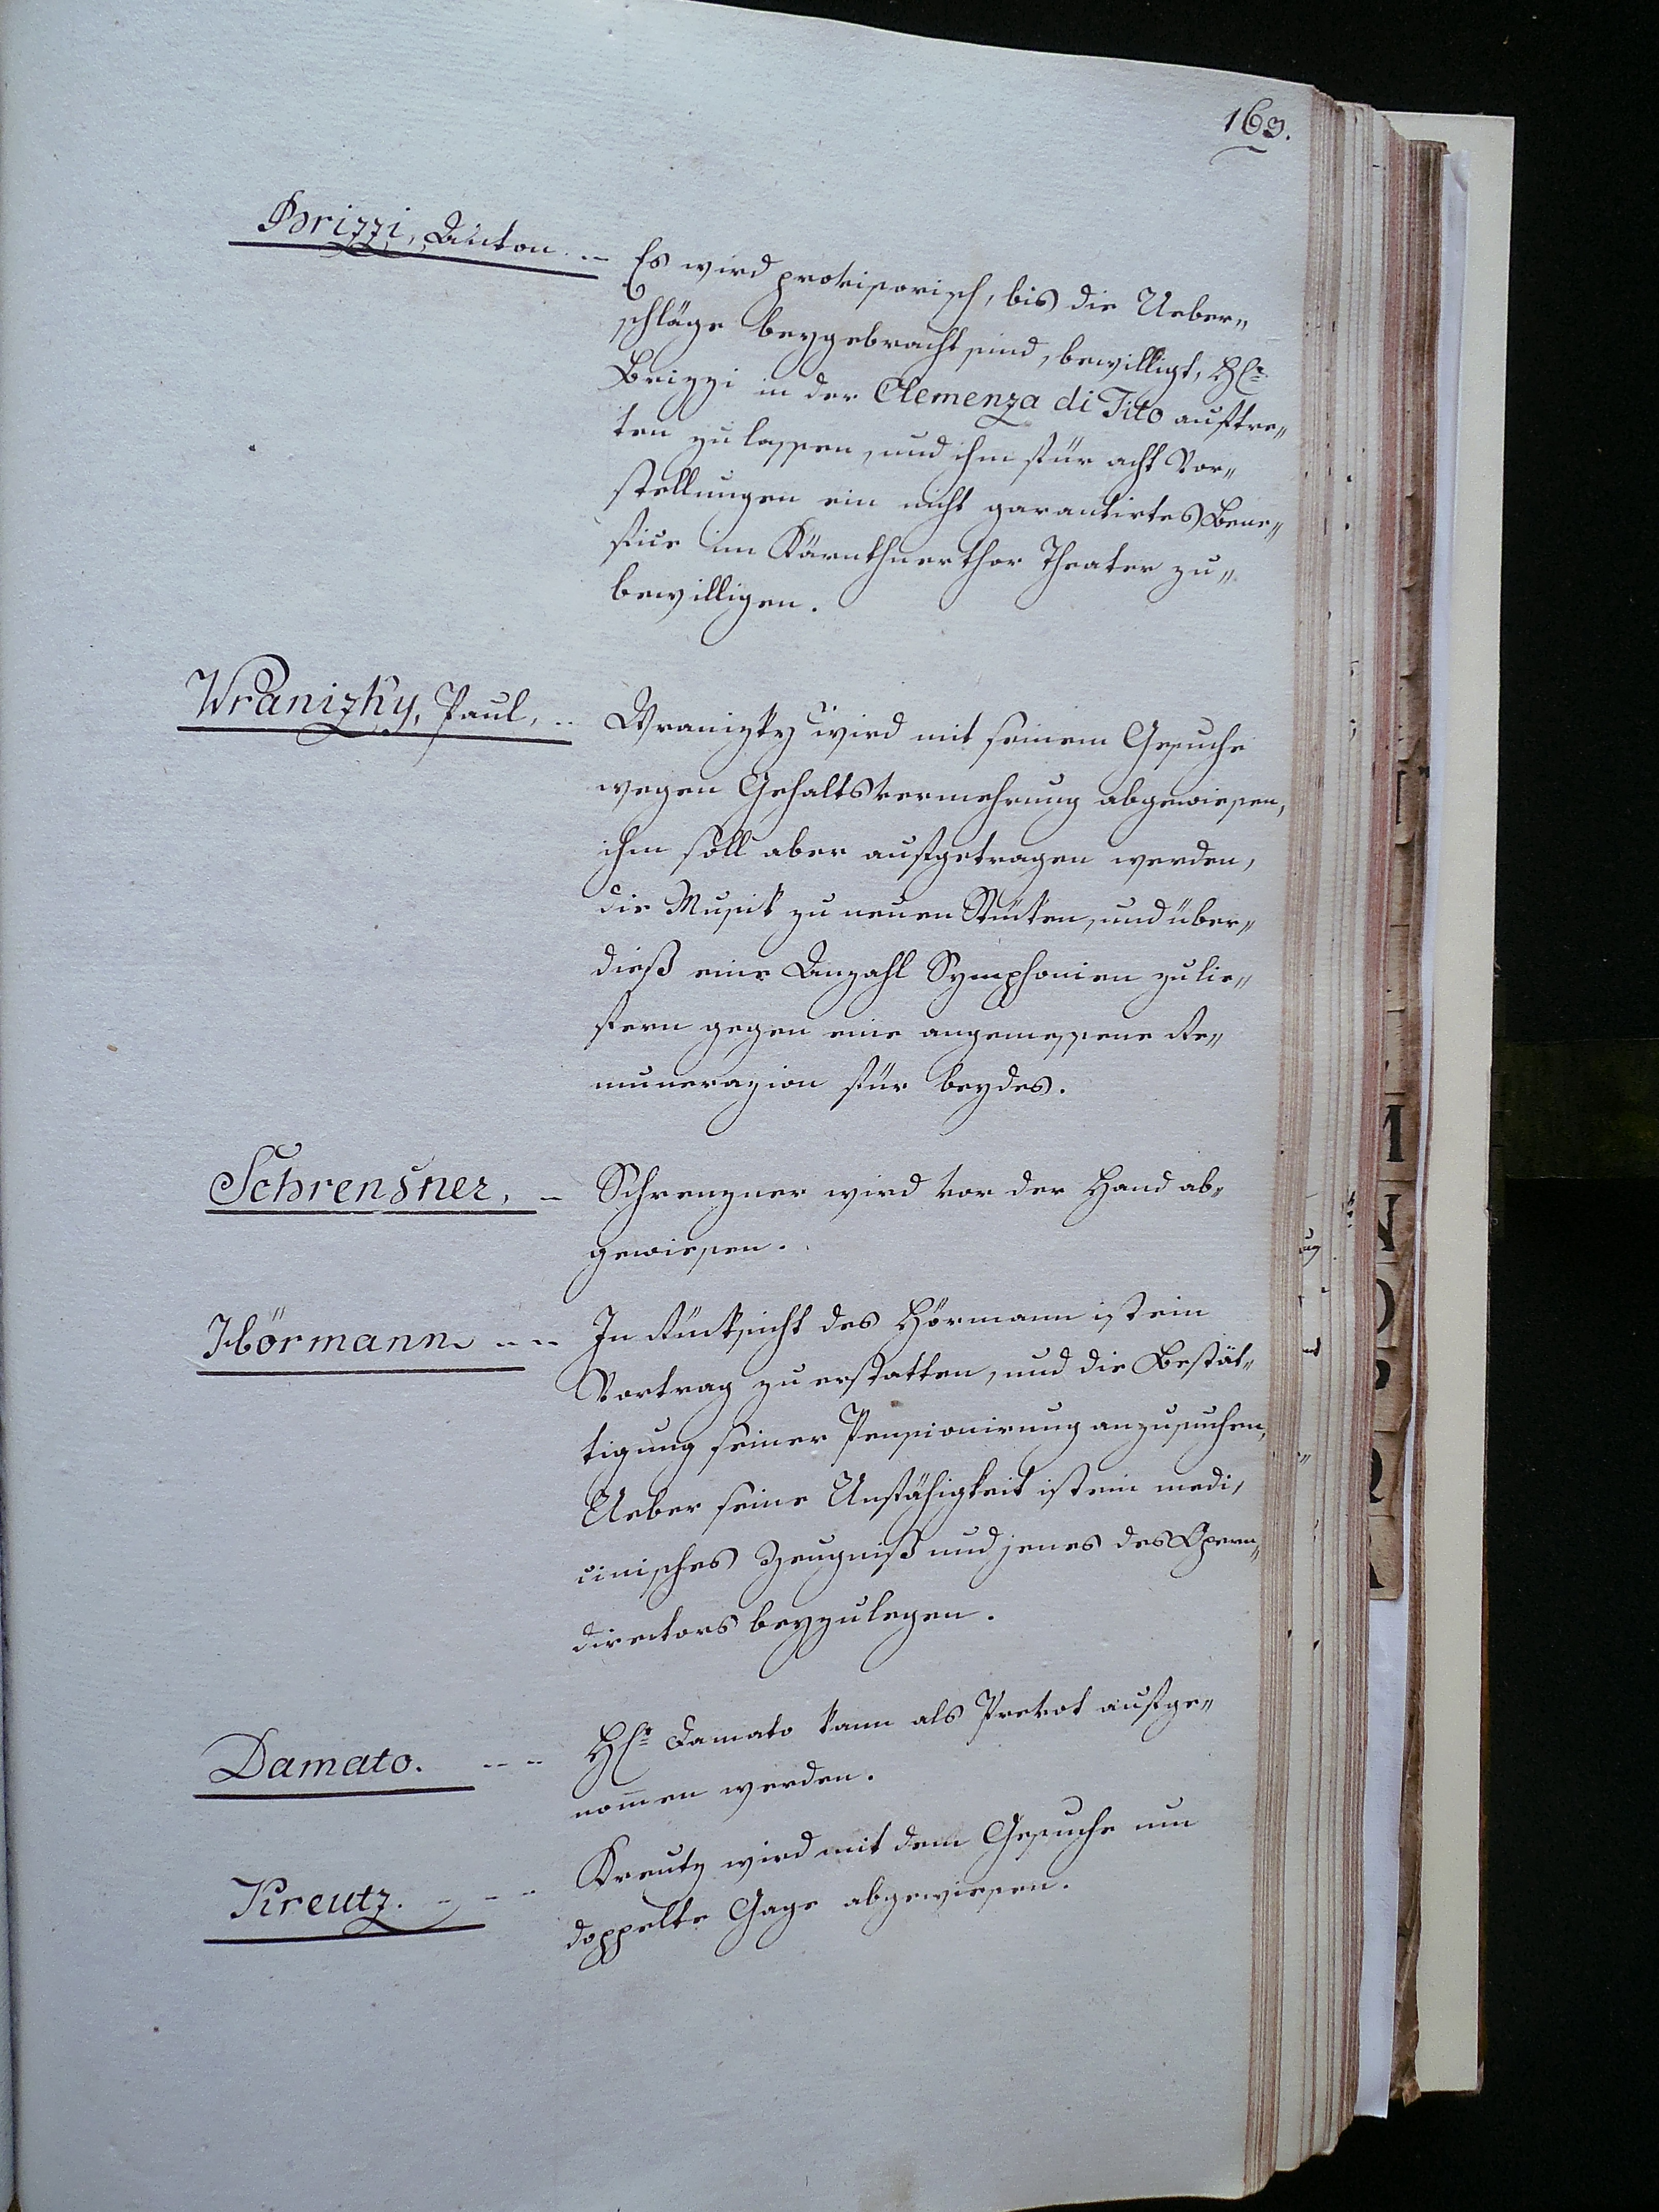163.
Brizzi, Anton. ... Es wird provisorisch, bis die Ueber¬
schläge beygebracht sind, bewilligt, HEr͇
Brizzi in der Cemenza di Tito auftre¬
ten zu lassen, und ihm für acht Vor¬
stellungen ein nicht garantirtes Bene¬
fice im Kärnthnerthor Theater zu¬
bewilligen.
Wranizky, Paul, .. Wranizky wird mit seinem Gesuche
wegen Gehaltsvermehrung abgewiesen,
ihm soll aber aufgetragen werden,
die Musik zu neuen Stücken, und über¬
dieß eine Anzahl Symphonien zulie¬
fern gegen eine angemessene Re¬
muerazion für beydes.
Schrensner, .. Schrenzner wird vor der Hand ab¬
gewiesen.
Hörmann .. .. In Rücksicht des Hörmann ist ein
Vortrag zu erstatten, und die Bestät¬
tigung seiner Pensionirung anzusuchen.
Ueber seine Unfähigkeit ist ein medi¬
cisches Zeugniß und jenes des Opern¬
directors beyzulegen.
Damato. .. .. HEr͇ Damato kann als Prevot aufge¬
nom̅en werden.
Kreutz. .. .. .. Kreutz wird mit dem Gesuche um
doppelte Gage abgewiesen.